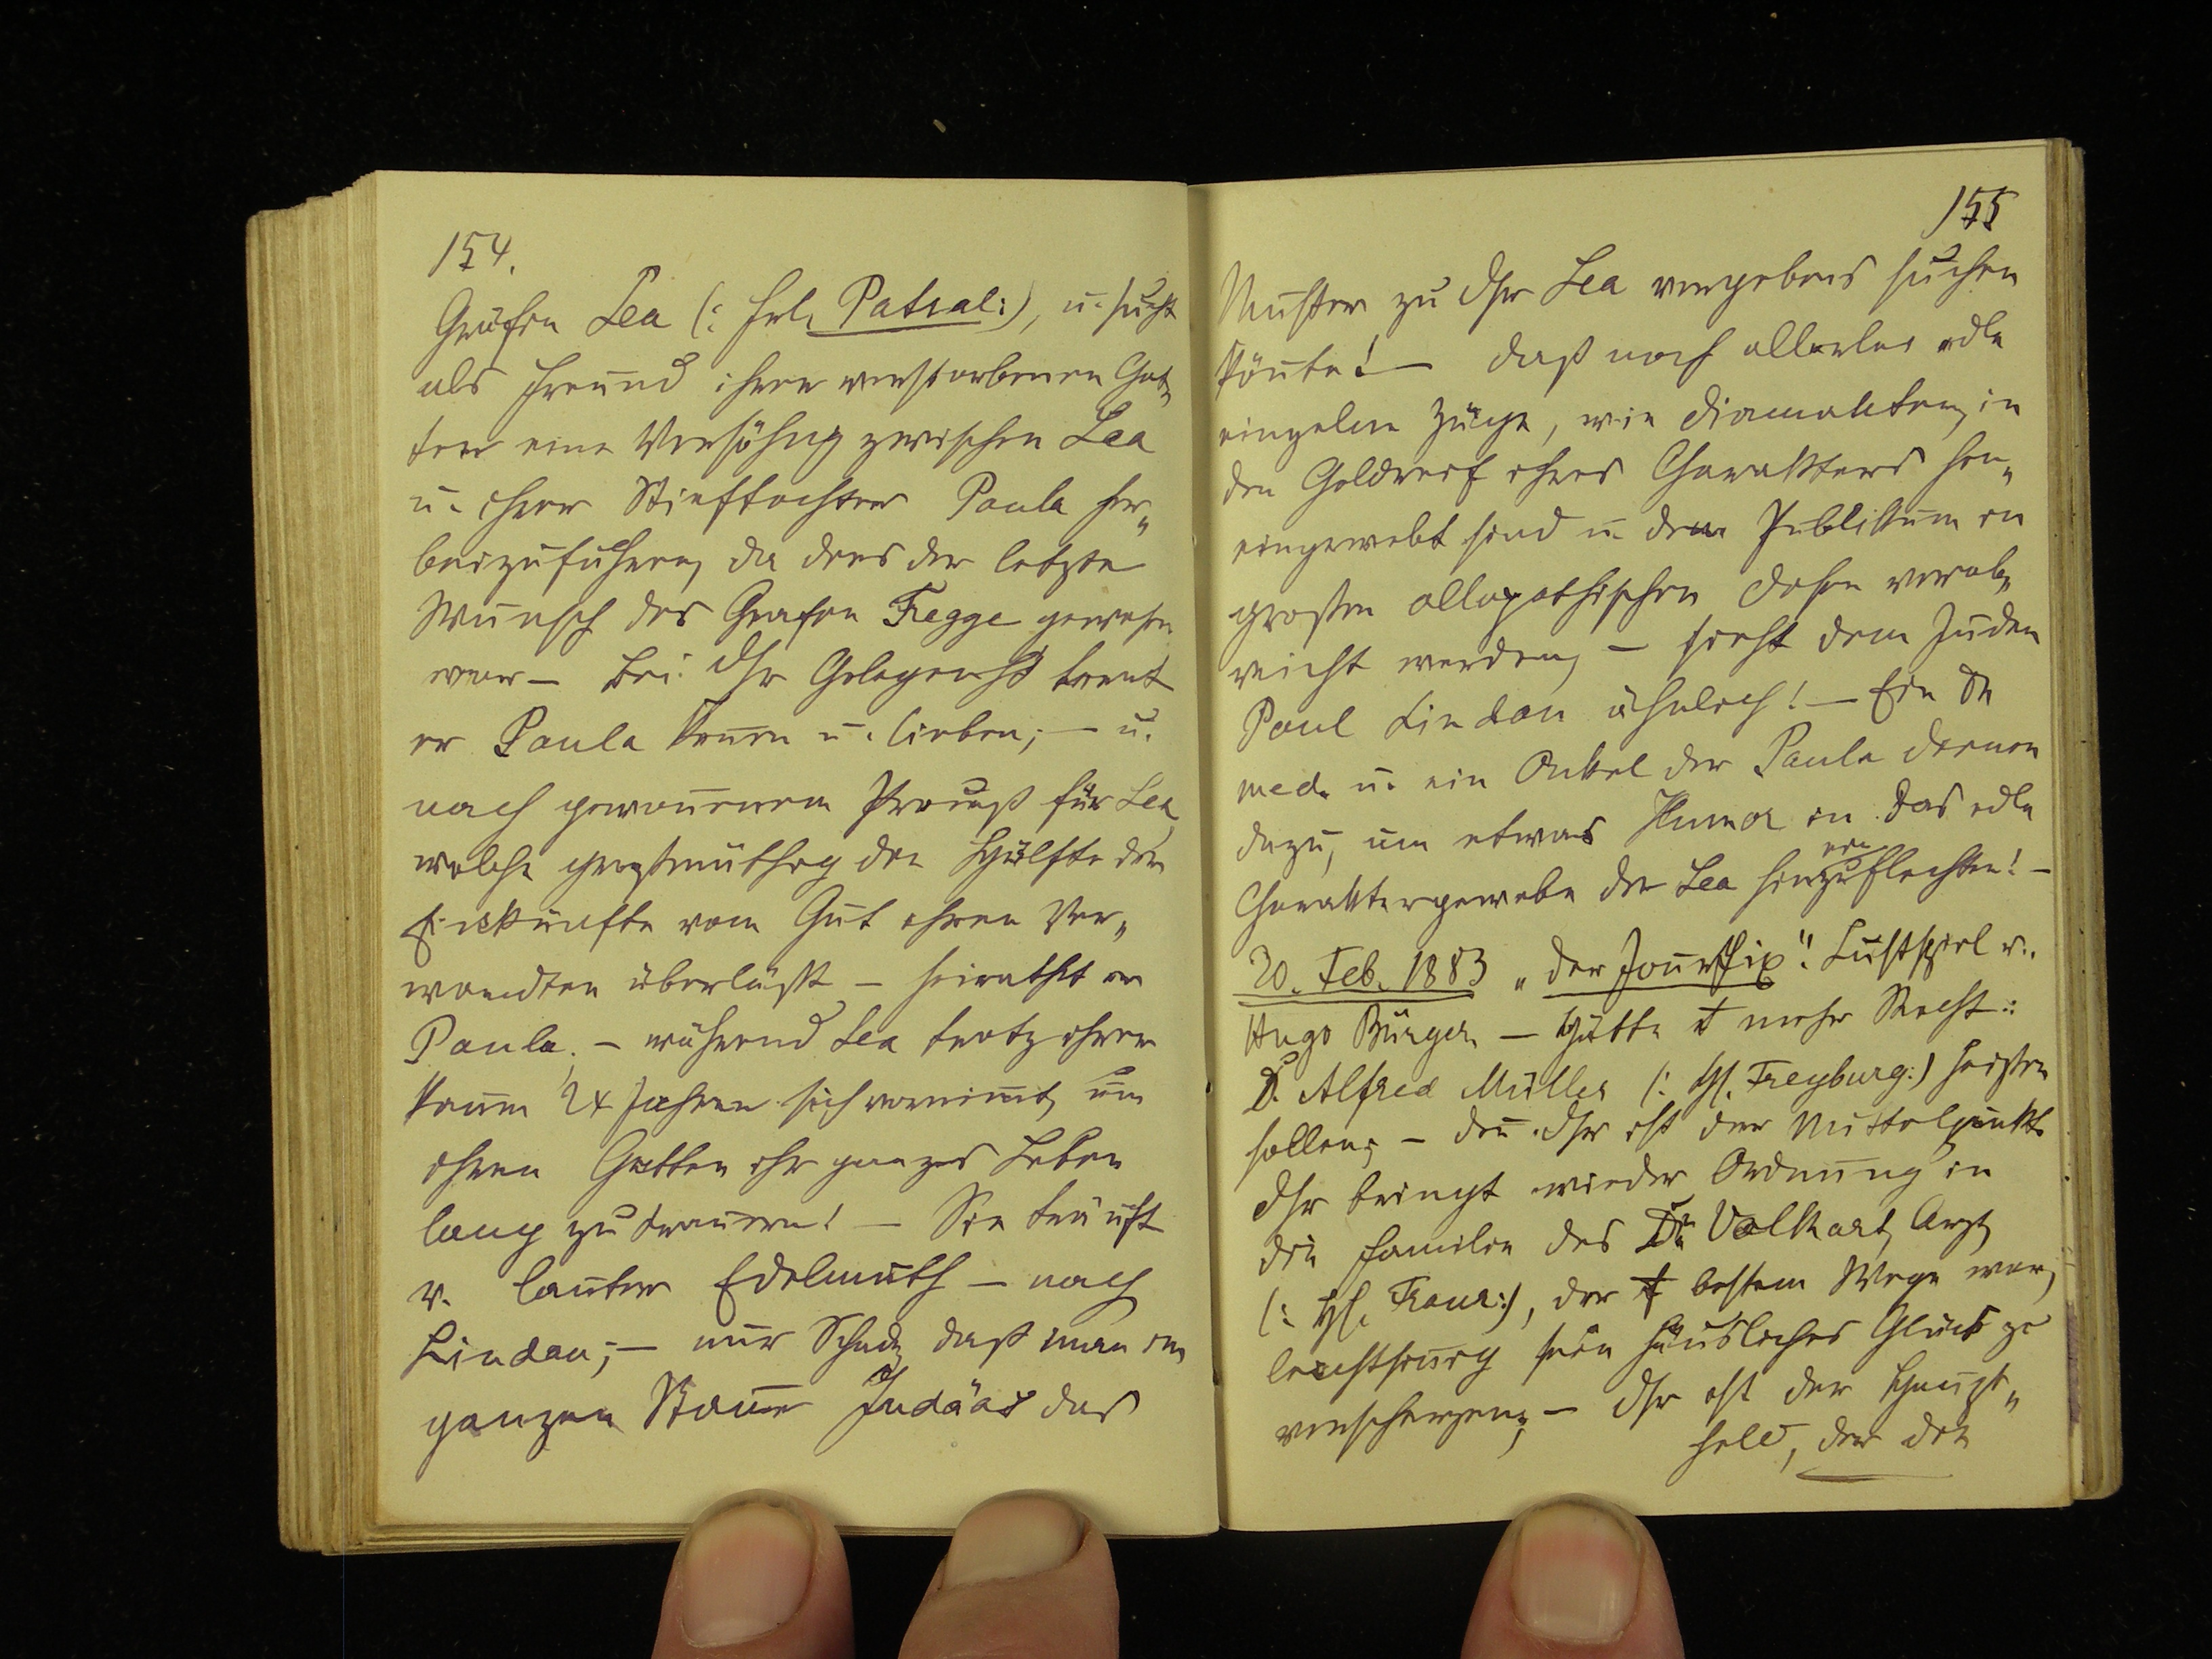154
Gräfin Lea (: Frl. Patral :) und sucht
als Freund ihrer verstorbenen Gat¬
ten eine Versöhnung zwischen Lea
und ihrer Stieftochter Paula her¬
beizuführen, da dies der letzte
Wunsch des Grafen Fregge gewesen
war.- Bei dieser Gelegenheit lernt
er Paula kennen und lieben;- und
nach gewonnenem Prozeß für Lea
welche großmüthig die Hälfte der
Einkünfte vom Gut ihren Ver¬
wandten überläßt—heirathet er
Paula;--während Lea trotz ihrer
kaum 2 x Jahren sich vornimmt um
ihren Gatten ihr ganzes Leben
zu Trauern ! - Sie träuft
vor lauter Edelmut- nach
Lindau; -nur Schade daß man im
ganzen Stamm Judäer das
155
Muster zu dieser Lea vergebens suchen
könnte;- daß nach allerlei edlen
einzelnen Zügen, wie Diamenten in
den Goldreif ihres Charakters hin¬
eingewebt sind und dem Publikum in
großen allegothischen Dosen verab¬
reicht werden.—sieht dem Juden
Paul Lindau ähnlich. -Ein Dr.
med. und ein Onkel der Paula dienen
dazu, um etwas Humor in das edle
von
Charaktergewebe de Lea hineinzu flechten!.—
20. Februar 1883 „ Der Jourtip“…Lustspiel von
Huge Bürger - Hätte mit mehr Recht
D. Alfred Müller (: H. Freyburg: ), heißen
sollen. Den dieser ist der Mittelpunkt.
Dieser bringt wieder Ordnung in
die Familie des Dr. Volkart, Arzt
(: H. Franz. ) der auf bestem Weg war
leichtsinnig sein häusliches Glück zu
verscherzen,- dies ist der Haupt¬
held, der dies